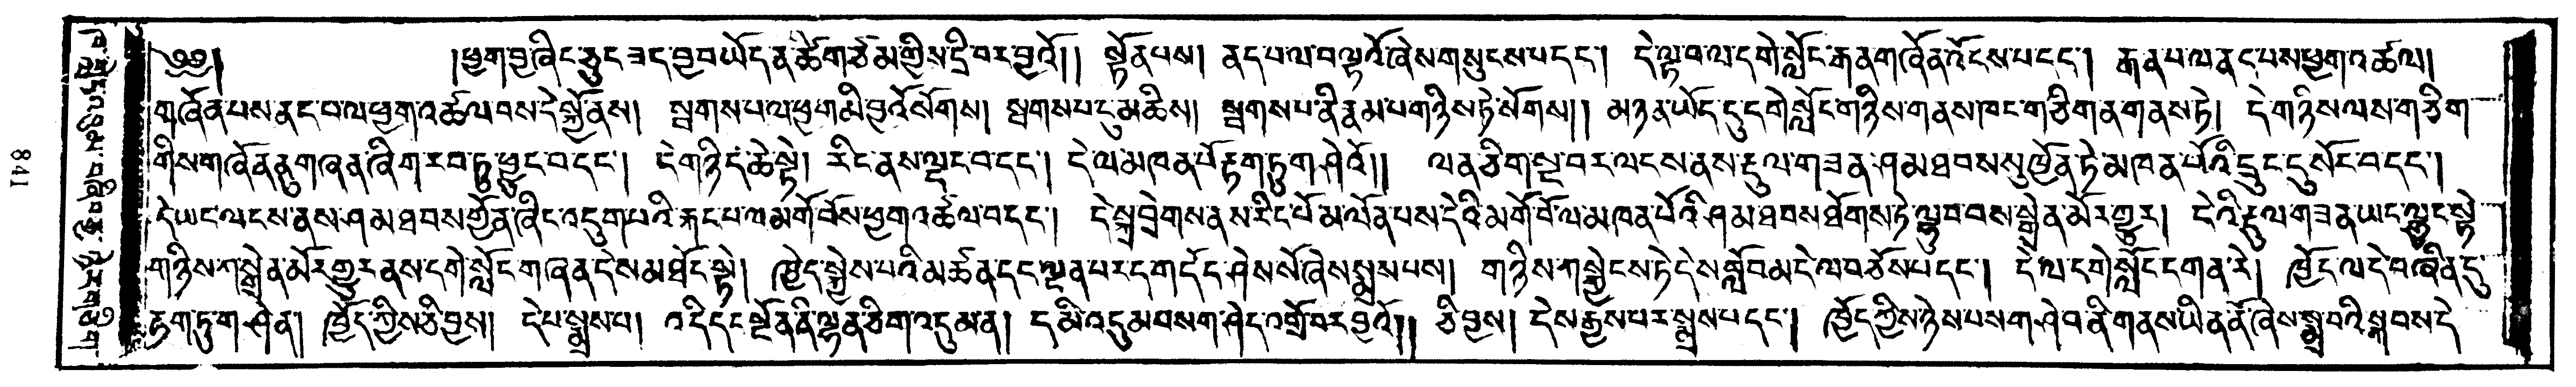༄༅། །ཕྱག་བྱ་ཞིང་ཅུང་ཟད་བྱབ་ཡོད་ན་ཚིག་ཙམ་གྱིས་དྲི་བར་བྱའོ།། སྟོན་པས། ནད་པ་ལ་བལྟའོ་ཞེས་གསུངས་པ་དང་། དེ་ལྟ་བ་ལ་དགེ་སློང་རྒན་གཞོན་འོངས་པ་དང་། རྒན་པ་ལ་ནད་པས་ཕྱག་འཚལ།
གཞོན་པས་ནད་པ་ལ་ཕྱག་འཚལ་བས་དེ་སྐྱོ་ནས། སྦགས་པ་ལ་ཕྱག་མི་བྱའོ་སོགས། སྦགས་པ་དུ་མཆིས། སྦགས་པ་ནི་རྣམ་པ་གཉིས་ཏེ་སོགས།། མཉན་ཡོད་དུ་དགེ་སློང་གཉིས་གནས་ཁང་གཅིག་ན་གནས་ཏེ། དེ་གཉིས་ལས་གཅིག་
གིས་གཞོན་ནུ་གཞན་ཞིག་རབ་ཏུ་ཕྱུང་བ་དང་། དེ་གཉིད་ཆེ་སྟེ། རིང་ནས་ལྡང་བ་དང་། དེ་ལ་མཁན་པོ་རྟག་ཏུ་གཤེའོ།། ལན་ཅིག་སྔ་བར་ལངས་ནས་རྡུལ་གཟན་ཤམ་ཐབས་སུ་ཁྱོན་ཏེ་མཁན་པོའི་དྲུང་དུ་སོང་བ་དང་།
དེ་ཡང་ལངས་ནས་ཤམ་ཐབས་གྱོན་ཞིང་འདུག་པའི་རྐང་པ་ལ་མགོ་བོས་ཕྱག་འཚལ་བ་དང་། དེ་སྐྲ་བྲེགས་ནས་རིང་པོ་མ་ལོན་པས་དེའི་མགོ་བོ་ལ་མཁན་པོའི་ཤམ་ཐབས་ཐོགས་ཏེ་ལྷུབ་བས་སྒྲེན་མོར་གྱུར། དེའི་རྡུལ་གཟན་ཡང་ལྷུང་སྟེ་
གཉིས་ཀ་སྒྲེན་མོར་གྱུར་ནས་དགེ་སློང་གཞན་དེ་ས་མཐོང་སྟེ། ཁྱེད་སྐྱེས་པའི་མཚན་དང་ལྡན་པར་ད་གདོང་ཤེས་སོ་ཞེས་སྨྲས་པས། གཉིས་ཀ་སྒྱེངས་ཏེ་དེས་གློབ་མདེ་ལ་བཅོས་པ་དང་། དེ་ལ་དགེ་སློང་དགན་རེ། ཁྱོད་ལ་དེ་བཞིན་དུ་
རྟག་ཏུ་གཤེན། ཁྱོད་ཀྱིས་ཅི་བྱས། དེ་པ་སྨྲས་པ། འདི་དང་སྔོན་ནི་ལྷན་ཅིག་འདུམ་ན། ད་མི་འདུམ་བས་ག་ཤེད་འགྲོ་བར་བྱའོ།། ཅི་བྱས། དེས་རྒྱས་པར་སྨྲས་པ་དང་། ཁྱོད་ཀྱིས་ཉེས་པས་གཤེབ་ནི་གནས་ཡིན་ནོ་ཞེས་སྨྲ་བའི་སྐབས་དེ་